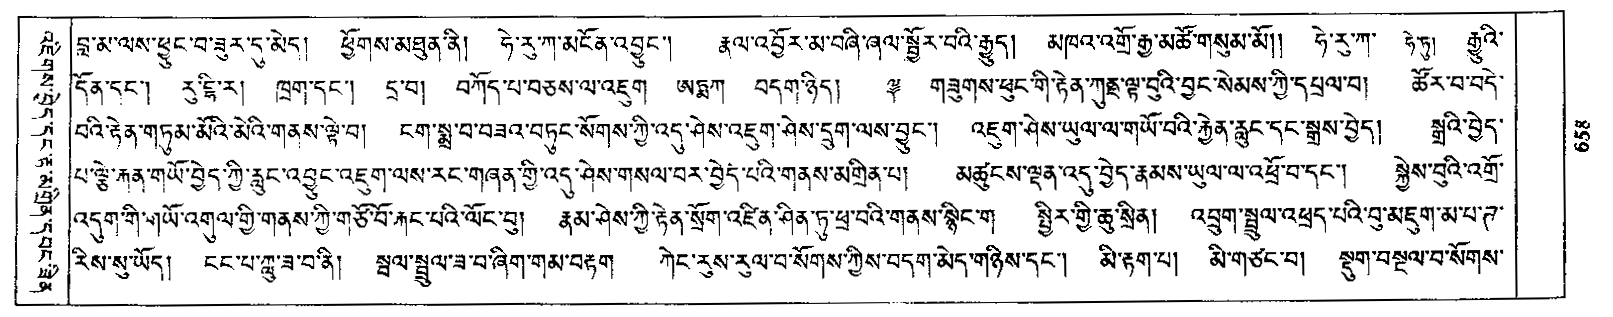བླ་མ་ལས་ཕྱུང་བ་ཟུར་དུ་མེད། ཕྱོགས་མཐུན་ནི། ཧེ་རུ་ཀ་མངོན་འབྱུང་། རྣལ་འབྱོར་མ་བཞི་ཞལ་སྦྱོར་བའི་རྒྱུད། མཁའ་འགྲོ་རྒྱ་མཚོ་གསུམ་མོ།། ཧེ་རུ་ཀ། ཧེ་ཏུ། རྒྱུའི་
དོན་དང་། རུ་དྷི་ར། ཁྲག་དང་། དྲ་བ། བཀོད་པ་བཅས་ལ་འཇུག་ཨཏྨཀ་བདག་ཉིད། ༈ གཟུགས་ཕུང་གི་རྟེན་ཀུནྡ་ལྟ་བུའི་བྱང་སེམས་ཀྱི་དཔྲལ་བ། ཚོར་བ་བདེ་
བའི་རྟེན་གཏུམ་མོའི་མེའི་གནས་ལྟེ་བ། ངག་སྨྲ་བ་བཟའ་བཏུང་སོགས་ཀྱི་འདུ་ཤེས་འཇུག་ཤེས་དྲུག་ལས་བྱུང་། འཇུག་ཤེས་ཡུལ་ལ་གཡོ་བའི་རྐྱེན་རླུང་དང་སྒྲས་བྱེད། སྒྲའི་བྱེད་
པ་ལྕེ་རྐན་གཡོ་བྱེད་ཀྱི་རླུང་འབྱུང་འཇུག་ལས་རང་གཞན་གྱི་འདུ་ཤེས་གསལ་བར་བྱེད་པའི་གནས་མགྲིན་པ། མཚུངས་ལྡན་འདུ་བྱེད་རྣམས་ཡུལ་ལ་འཕྲོ་བ་དང་། སྐྱེས་བུའི་འགྲོ་
འདུག་གི་གཡོ་འགུལ་གྱི་གནས་ཀྱི་གཙོ་བོ་རྐང་པའི་ལོང་བུ། རྣམ་ཤེས་ཀྱི་རྟེན་སྲོག་འཛིན་ཤིན་ཏུ་ཕྲ་བའི་གནས་སྙིང་ག་སྤྱིར་གྱི་ཆུ་སྲིན། འབྲུག་སྦྲུལ་འཕྲད་པའི་བུ་མཇུག་མ་པ་ཊ་
རིས་སུ་ཡོད། ངང་པ་ཀླུ་ཟ་བ་ནི། སྦལ་སྤྲུལ་ཟ་བ་ཞིག་གམ་བརྟག་ཀེང་རུས་རུལ་བ་སོགས་ཀྱིས་བདག་མེད་གཉིས་དང་། མི་རྟག་པ། མི་གཙང་བ། སྡུག་བསྔལ་བ་སོགས་